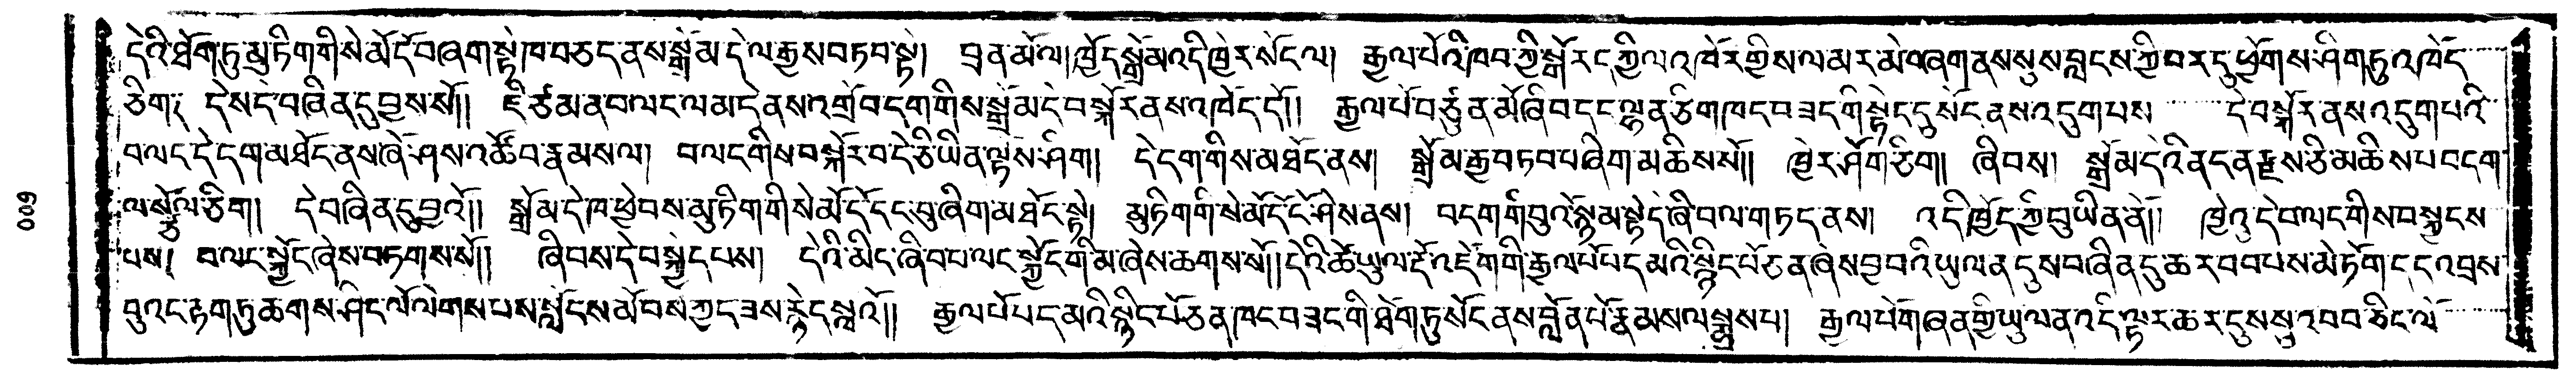དེའི་ཐོག་ཏུ་མུ་ཏིག་གི་སེ་མོ་ངོ་བཞག་སྟེ་ཁ་བཅད་ནས་སྒྲོམ་དེ་ལ་རྒྱས་བཏབ་སྟེ། བྲན་མོ་ལ། ཁྱོད་སྒྲོམ་འདི་ཁྱེར་སོང་ལ། རྒྱལ་པོའི་ཁབ་ཀྱི་སྒོར་དཀྱིལ་འཁོར་གྱིས་ལ་མར་མེ་བཞག་ནས་སུས་བླངས་ཀྱི་བར་དུ་ཕྱོགས་ཤིག་ཏུ་འཁོད་
ཅིག༑ དེས་དེ་བཞིན་དུ་བྱས་སོ།། ཇི་ཙམ་ན་བ་ལང་ལམ་དེ་ནས་འགྲོ་བ་དག་གིས་སྒྲོམ་དེ་བསྐོར་ནས་འཁོད་དོ།། རྒྱལ་པོ་བཙུན་མོ་ཞིབ་དང་ལྷན་ཅིག་ཁང་བཟང་གི་སྟེང་དུ་སོང་ནས་འདུག་པས་དེ་བསྐོར་ནས་འདུག་པའི་
བ་ལང་དེ་དག་མཐོང་ནས་ཞོ་ཤས་འཚོ་བ་རྣམས་ལ། བ་ལང་གིས་བསྐོར་བ་དེ་ཅི་ཡིན་ལྟོས་ཤིག། དེ་དག་གིས་མཐོང་ནས། སྒྲོམ་རྒྱ་བཏབ་བ་ཞིག་མཆིས་སོ།། ཁྱེར་ཤོག་ཅིག། ཞིབས། སྒྲོམ་དེའི་ནང་ན་རྫས་ཅི་མཆིས་པ་བདག་
ལ་སྩོལ་ཅིག། དེ་བཞིན་དུ་བྱའོ།། སྒྲོམ་དེ་ཁ་ཕྱེབས་མུ་ཏིག་གི་སེ་མོ་དོ་དང་བུ་ཞིག་མཐོང་སྟེ། མུ་ཏིག་གི་སེ་མོ་དོ་ངོ་ཤེས་ནས། བདག་གི་བུའོ་སྙམ་སྟེ་དེ་ཞི་བ་ལ་གཏད་ནས། འདི་ཁྱོད་ཀྱི་བུ་ཡིན་ནོ།། ཁྱེའུ་དེ་བ་ལང་གིས་བསྐྱངས་
པས༑ བ་ལང་སྐྱོང་ཞེས་བཏགས་སོ།། ཞིབས་དེ་བསྐྱེད་པས། དེའི་མིང་ཞི་བ་པ་ལང་སྐྱོང་གི་མ་ཞེས་ཆགས་སོ།། དེའི་ཚེ་ཡུལ་རྡོ་འཇོག་གི་རྒྱལ་པོ་པད་མའི་སྙིང་པོ་ཅན་ཞེས་བྱ་བའི་ཡུལ་ན་དུས་བཞིན་དུ་ཆར་བབ་པས་མེ་ཏོག་དང་འབྲས་
བུའང་རྟག་ཏུ་ཆགས་ཤིང་ལོ་ལེགས་པས་སློངས་མོ་བས་ཀྱང་ཟས་རྙེད་སླའོ།། རྒྱལ་པོ་པད་མའི་སྙིང་པོ་ཅན་ཁང་བཟང་གི་ཐོག་ཏུ་སོང་ནས་བློན་པོ་རྣམས་ལ་སྨྲས་པ། རྒྱལ་པོ་གཞན་གྱི་ཡུལ་ན་འདི་ལྟར་ཆར་དུས་སུ་འབབ་ཅིང་ལོ་